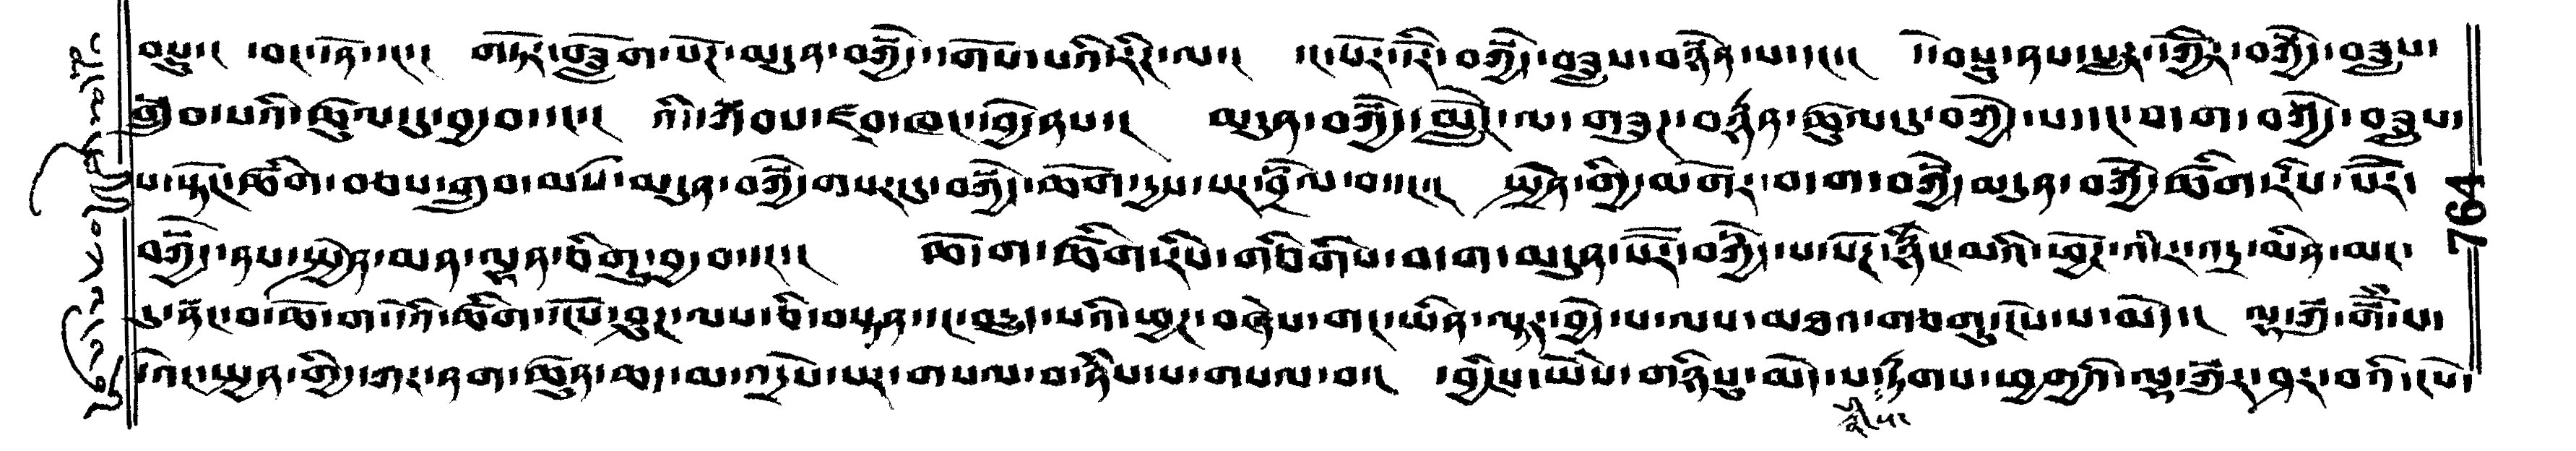བསྡུ། དབང་དོན་དང་། གཏོར་བཟློག་སོགས་མདུན་བསྐྱེད་དགོས་པའི་རིགས་ལ། དང་པོར་དཀྱིལ་འཁོར་བསྐྱེད་བཟླས་བསྙེན་པ་དང་། དེ་བསྡུས་ནས་སླར་དཀྱིལ་འཁོར་བསྐྱེད་བཟླས་
སྒྲུབ་པའི་ཚུལ་དུ་བྱ་བ་དང་། འདི་སྐབས་འཛབ་ཁང་དབྱེ་ནས། མདུན་བསྐྱེད་མེ་ལོང་ལ་གཟུགས་བརྙན་ཚུལ་དུ་བསྐྱེད་པ་དང་བདག་བསྐྱེད་བཟླས་
པ་སྟོང་ཚིག་བཅས་གྲུབ་མཚམས་མདུན་བསྐྱེད་གསར་དུ་བསྐྱེད་ཆོག་རྒྱས་པར་སྦྲེལ་བ་དང་།སྤྱན་འདྲེན་གྱི་མགོར་བདག་བསྐྱེད་མདུན་བསྐྱེད་ཚིག་རིས་སོ་སོར་
བསྐྱེད་ནས་སྤྱན་འདྲེན་མན་ལྷན་ཅིག་ཏུ་བྱ་བ་དང་། ཆོ་ག་ཚིག་རིས་གཅིག་གིས་བདག་མདུན་སོ་སོར་བསྐྱེད་པ་སོགས་རྙིང་མའི་ཕྱོགས་འདིར་འདྲ་མིན་མང་
དུ་སྣང་བ་ཆོ་ག་དེའི་ཚིག་དངོས་ཤུགས་ལས་ཅི་བསྟན་དང་བརྒྱུད་པའི་ཕྱག་བཞེས་གང་ཡིན་ལྟར་བྱེད་པ་ལས་མཐའ་གཅིག་ཏུ་ངེས་པ་མེད། ལྷ་སྐུ་སྒོམ་པ་
དེའང་སྤྱན་གྱི་དཀར་ནག་ཚུན་ཆད་མ་འདྲེས་པར་གསལ་བ་རྣམ་པ་གསལ་བ། དབྱིངས་ཡེ་ཤེས་གཉིས་སུ་མེད་པ་རྣམ་པ་རྟགས་ཕྱག་རྒྱའི་ལྷ་སྐུར་ཤར་བའི་ངེས་